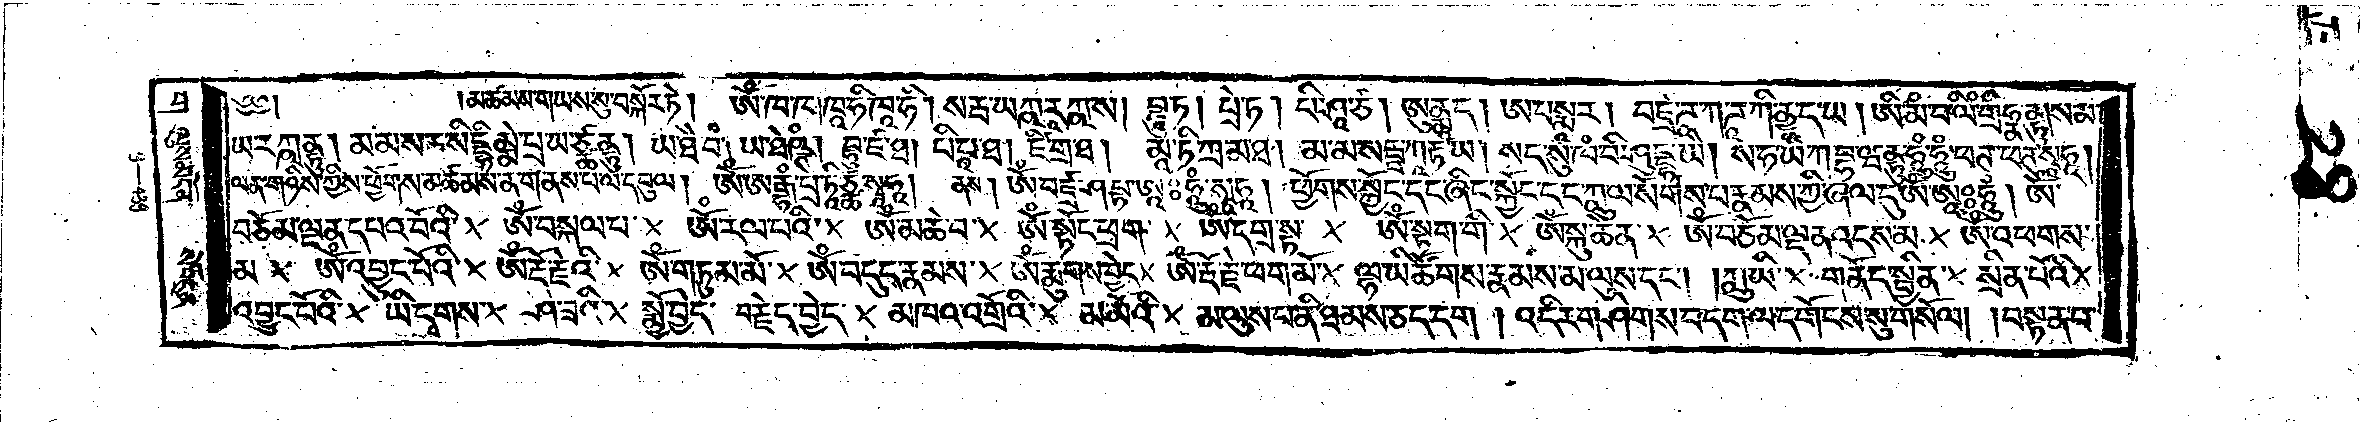༄༅། །མཚམས་གཡས་སུ་བསྐོར་ཏེ། ཨོཾ་ཁ་ཁ་ཁཱ་ཧི་ཁཱ་ཧི། སརྦ་ཡཀྵ་རཱཀྵ་ས། བྷཱུ་ཏ། པྲེ་ཏ། པི་ཤཱ་ཙ། ཨུནྨཱ་ད། ཨ་པསྨཱར། བཛྲ་ཌཱ་ཀ་ཌཱ་ཀི་ནྱཱ་ད་ཡ། ཨི་མཾ་བ་ལིཾ་གྲིཧྣ་མྟུ་སམ་
ཡ་རཀྵནྟུ། མ་མས་རྦ་སིདྡྷིམྨེ་པྲ་ཡ་ཙྪ་ནྟུ། ཡ་ཐཻ་བཾ༑ ཡ་ཐེཥྚཾ། བྷུ་ཛ་ཐ། པིཔཱ་ཐ། ཛི་གྲ་ཐ། མཱ་ཏི་ཀྲ་མ་ཐ། མ་མ་སརྦྦ་ཀཱརྟ་ཡ། སང་སུ་ཁཾ་བི་ཤུདྡྷ་ཡི། ས་ཧ་ཡི་ཀབྷ་ཝནྟུ་ཧཱུཾ་ཧཱུཾ་ཕཊ་ཕཊ་སྭཱཧཱ།
ལན་གཉིས་ཀྱིས་ཕྱོགས་མཚམས་ན་གནས་པ་ལ་དབུལ། ཨོཾ་ཨརྒྷཾ་པྲ་ཏཱིཙྪ་སྭཱཧཱ། ནས།  ཨོཾ་བཛྲ་ཤཔྟ་ཨཱཿཧཱུཾ་སྭཱཧཱ། ཕྱོགས་སྐྱོང་དང་ཞིང་སྐྱོང་དང་ཀླུ་ལ་སོགས་པ་རྣམས་ཀྱི་ཞལ་དུ་ཨོཾ་ཨཱཿཧཱུཾ། ཨོཾ་
བཅོམ་ལྡན་དཔའ་བོའི་྾་ཨོཾ་བསྐལ་པ་྾་ཨོཾ་རལ་པའི་྾་ཨོཾ་མཆེ་བ་྾་ཨོཾ་སྟོང་ཕྲག་྾་ཨོཾ་དགྲ་སྟ་྾་ཨོཾ་སྟག་གི་྾་ཨོཾ་སྐུ་ཆེན་྾་ཨོཾ་བཅོམ་ལྡན་འདས་མ་྾་ཨོཾ་འཕགས་
མ་྾་ཨོཾ་འབྱུང་པོའི་྾་ཨོཾ་རྡོ་རྗེའི་྾་ཨོཾ་གཏུམ་མོ་྾་ཨོཾ་བདུད་རྣམས་྾་ཨོཾ་རྨུགས་བྱེད་྾་ཨོཾ་རྡོ་རྗེ་ཕག་མོ་྾་ལྷ་ཡི་ཚོགས་རྣམས་མ་ལུས་དང་། །ཀླུ་ཡི་྾་གནོད་སྦྱིན་྾་སྲིན་པོའི་྾་
འབྱུང་པོའི་྾་ཡི་དྭགས་྾་ཤ་ཟའི་྾་སྨྱོ་བྱེད་བརྗེད་བྱེད་྾་མཁའ་འགྲོའི་྾་མ་མོའི་྾་མ་ལུས་པ་ནི་ཐམས་ཅད་དག །འདིར་གཤེགས་བདག་ལ་དགོངས་སུ་གསོལ། །བསྟན་པ་